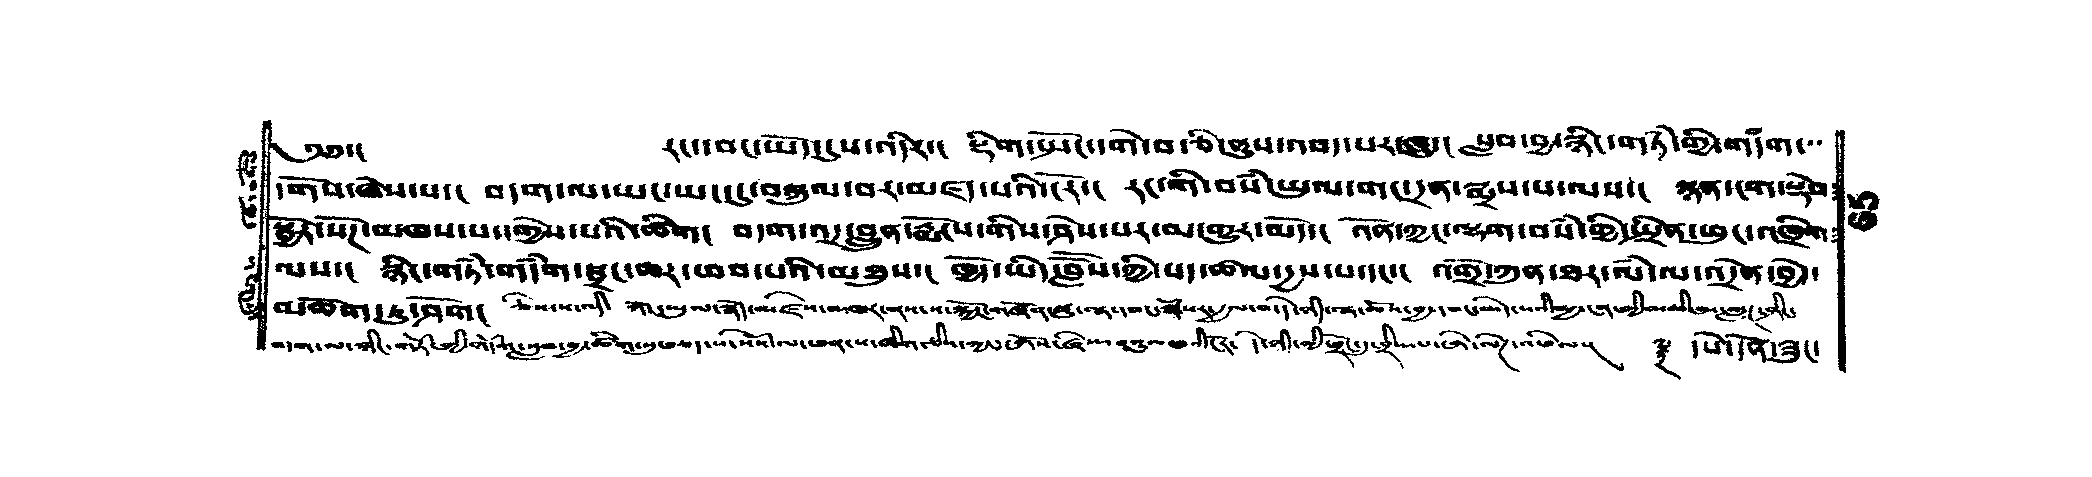རང་དབང་ཡོད་དུས་འདིར། །སྡིག་སྤོང་དགེ་བ་ཅི་ནུས་འབད་པར་ཞུ། །བསླབ་བྱ་སྙིང་གཏམ་གྱི་གདམས་ངག་
དགོས་ཞེས་པ། །བདག་ལ་ཡང་ཡང་དུ་བསྐུལ་བར་མཛད་པའི་ངོར། །རང་གི་བསམ་ཡུལ་གང་དྲན་སྨྲས་པ་ལས། །སྙན་ངག་སྡེབ་
སྦྱོར་སོགས་མཁས་པ་དགྱེས་པའི་ཚིག །བདག་འདྲ་བླུན་རྨོངས་ཀྱིས་ཤེས་པར་མ་གྱུར་མོད། །འོན་ཀྱང་ལྷག་བསམ་གྱི་སྤྲིན་ཕུང་འཁྲིགས་
པ་ལས། །སྙིང་གཏམ་གདམས་ངག་སྦྲང་ཆར་ཕབ་པའི་མཐུས། །ཁྱོད་ཀྱི་བློ་གྲོས་ཀྱི་པད་ཚལ་རྒྱས་པ་དང་། །འགྲོ་ཀུན་ཐར་ལམ་ལ་འདྲེན་བྱེད་
མཆོག་ཏུ་ཤོག ཅེས་པ་འདི་ཀོང་ཡུལ་སྣོད་མཛེས་མཁར་ནས་ས་སྐྱོང་གཞོན་ནུ་ལྷ་དབང་རྣམ་པར་རྒྱལ་བ་དེ་ཉིད་ལྷ་ཆོས་བྱ་དབང་མེད་པའི་མྱ་ངན་གྱི་མཆི་མ་གླགས་ཤིང་
བདག་ལ་སྙིང་གཏམ་གྱི་གདམས་ངག་བསླབ་བྱ་ཚིགས་སུ་བཅད་པ་སེམས་ལ་ཕན་པ་ཞིག་ཅིས་ཀྱང་དགོས་ཞེས་བསྐུལ་བའི་ངོར།དེ་ཉིད་ཀྱི་ཕོ་བྲང་དུ་བྲིས་པ་དགེ་ལེགས་འཕེལ།། ༈ དཔེ་དོན་ཟུང་